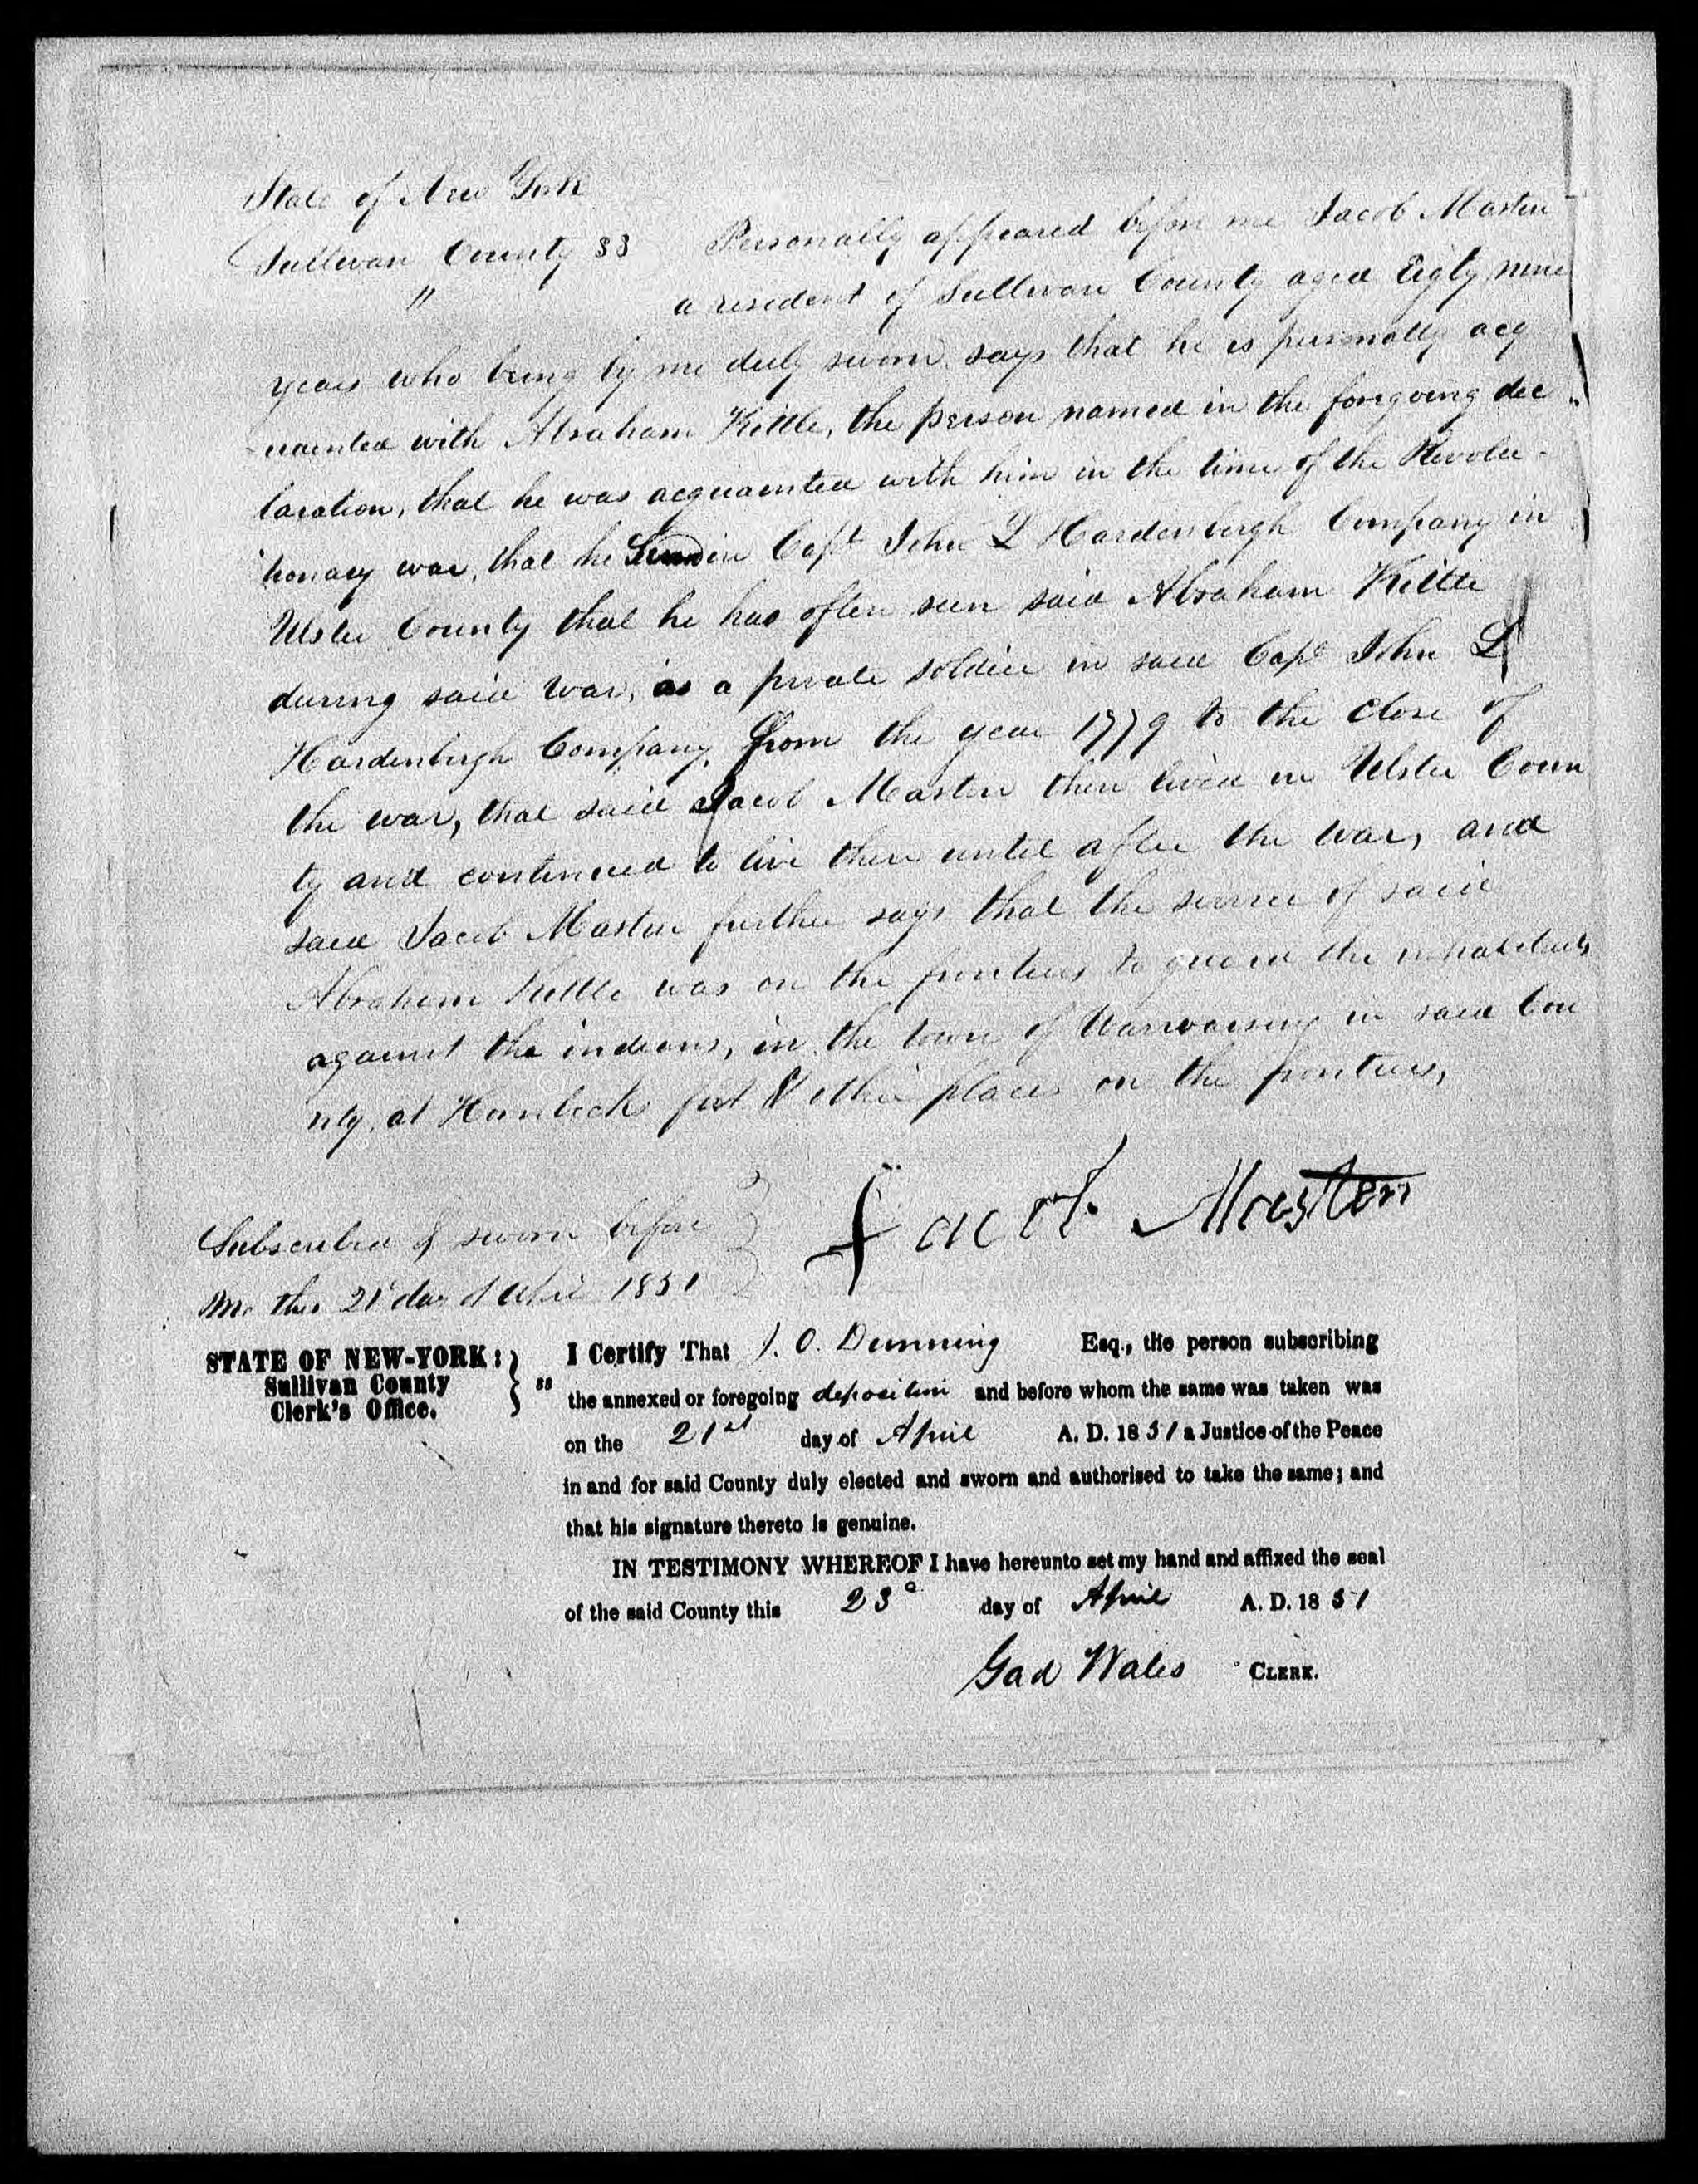State of New York Sullivan County SS Personally appeared before me Jacob Martin a resident of Sullivan County and Eighty nine years who being by me duly sworn says that he is personally acquainted with Abraham Kittle the person named in the foregoing declaration, that he was acquainted with him in the time of the Revolutionary war, that he under Capt John G Hardenbergh Company in Ulster  County that he has often seen said Abraham Kittle during said war as a private soldier in said Capt John Hardenburgh Company from the year 1779 to the close of the war, that said Jacob Martin then lived in Ulster Count and continued to live there until after the war, and said Jacob Martin further says that the service of said Abraham Kittle was on the parties to guard the inhabitants against the indians, in the town of Warwarsing in said County at Hornbeck fort & other places on the prairie.
 Subscribed and sworn before me this 21st day of Apr 1851.
Jacob Martin 
STATE OF NEW-YORK
Sullivan county
Clerk's Office:
 I Certify That J. O. Dunning Esq., the person subscribing the annexed or foregoing deposition and before whom the same was taken was on the 21st day of April A. D. 1851 a Justice of the Peace in and for said County duly elected and sworn and authorised to take the same; and that his signature thereto is genuine. IN TESTIMONY WHEREOF I have hereunto set my hand and affixed the seal of the said County this 23d day of April A. D. 1851 
Gad Wales Clerk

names: J O Dunning; Jacob Martin; Abraham Kittle; Gad Wales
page: 6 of 18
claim: rejected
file: R. 6002, for Abraham Kittle, New York